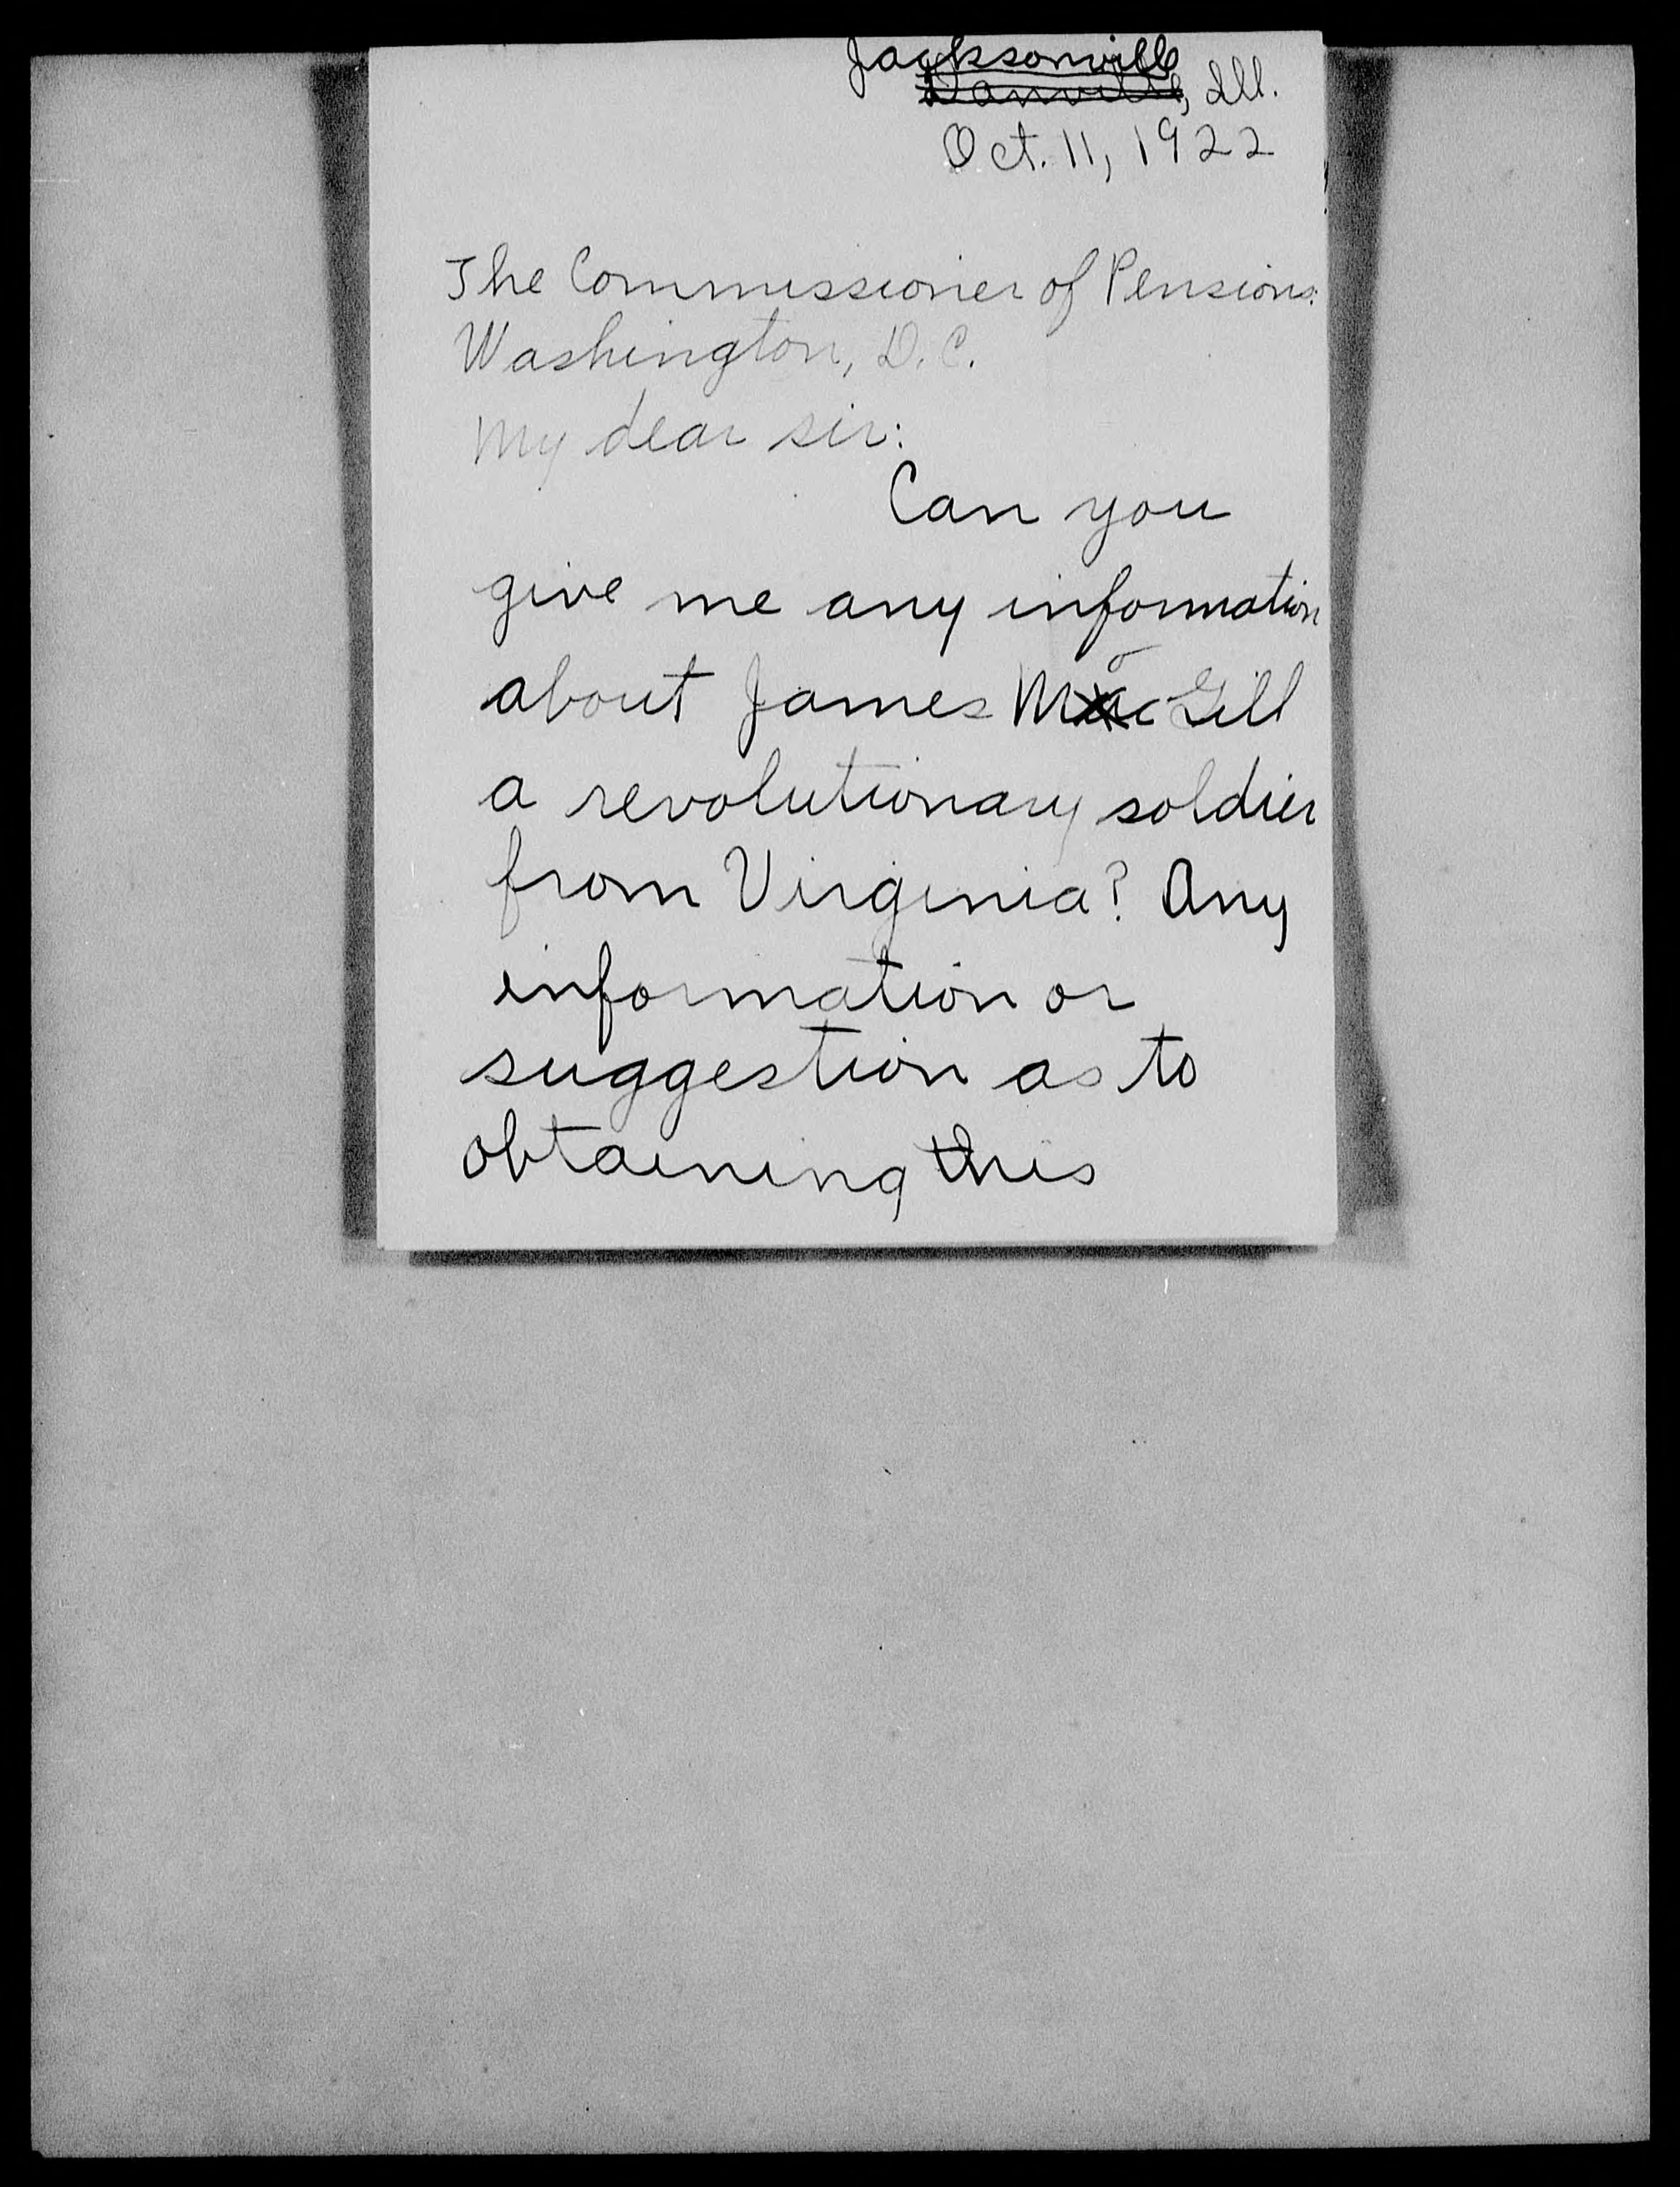Image 111 4160873_00111
Fold3 File #23857277

[Handwritten note]
Jacksonville, Ill.  Oct. 11, 1922

The Commissioner of Pensions 
Washington, D. C. 
My dear sir:   Can you give me any information about James McGill a revolutionary soldier from Virginia? Any information or suggestion as to obtaining this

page: 53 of 71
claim: widow's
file: W. 8428, for James Mc Gill, Pennsylvania